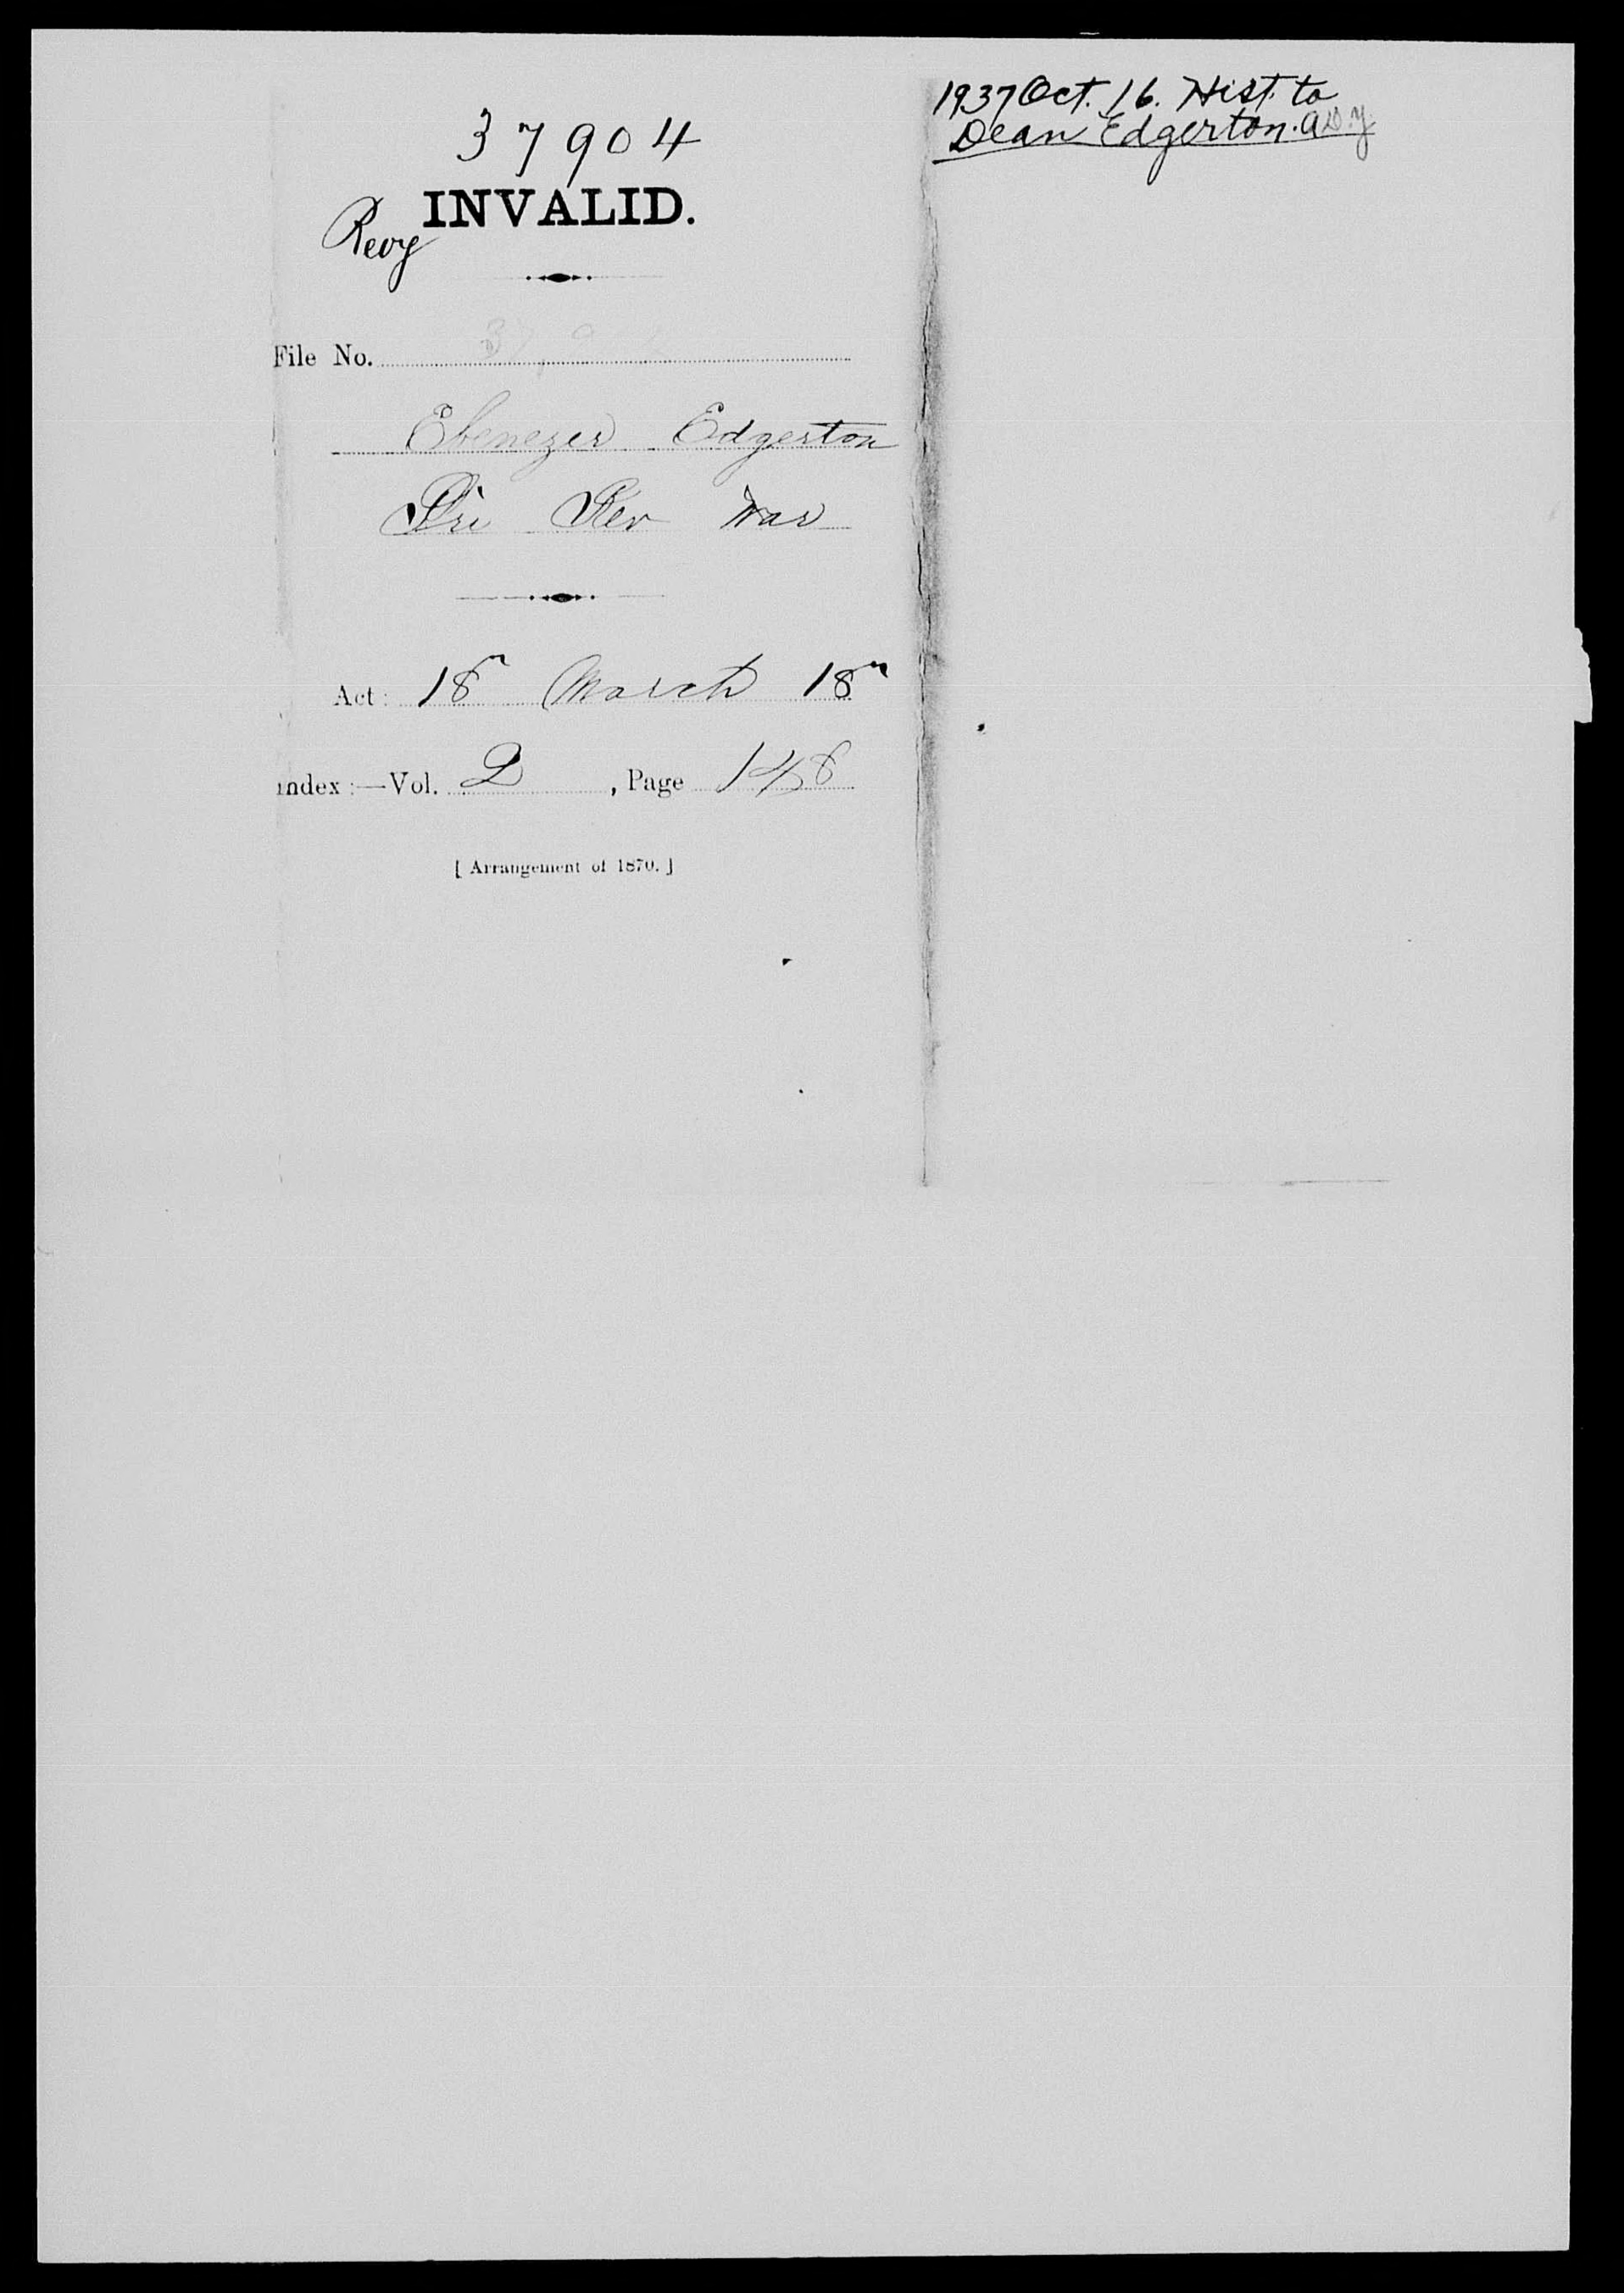37904
INVALID.
Revy

File No. 37,904
Ebenezer Edgerton
Pri Rev War

Act: 18 March 18
Index :- Vol. 2, Page 148

[Arrangement of 1870.]


1937 Oct. 16. Hist. to
Dean Edgerton  ADY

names: Ebenezer Edgerton, Dean Edgerton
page: 17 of 18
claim: survivor's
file: S. 37,904, Ebenezer Edgerton, [BLANK]